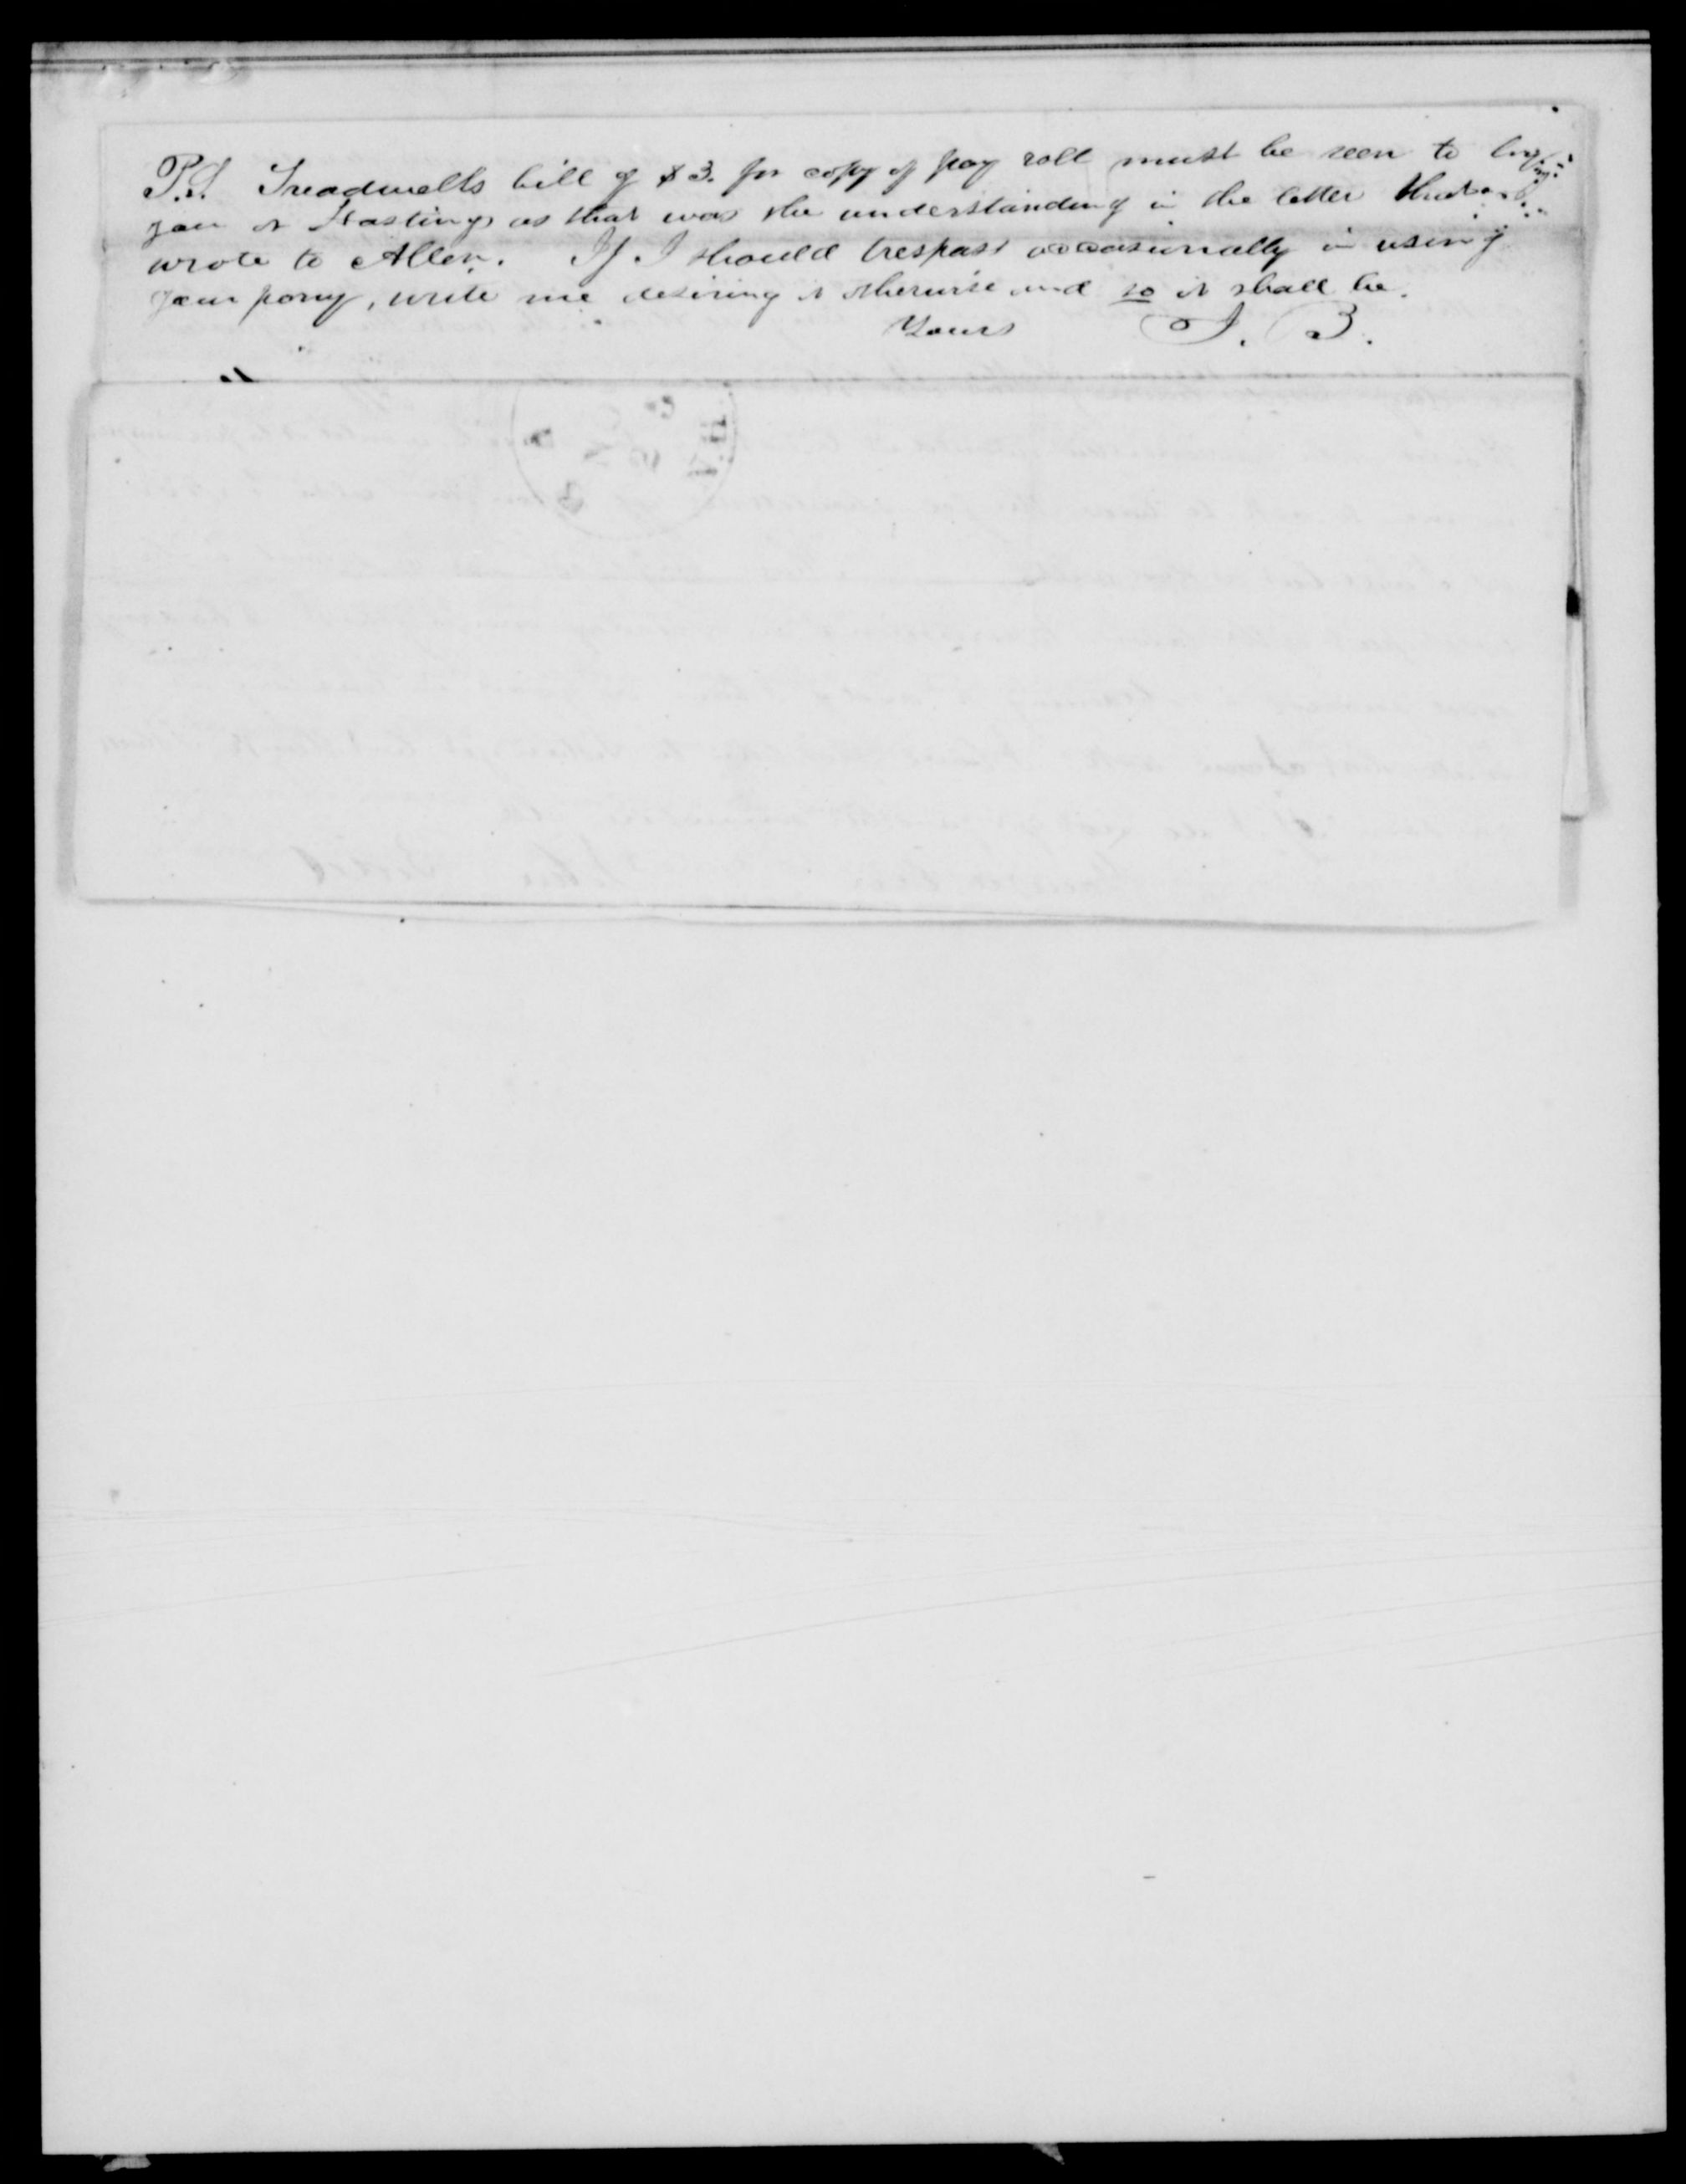P. S. Treadwells bill of $3 for copy of pay roll must be seen to by
you or Hastings as that was the understanding in the letter that I
wrote to Allen. If I should trespass occasionally in using your
[unintelligible], write me desiring it otherwise and so it shall be
Yours
J.B.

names: Hastings, Allen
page: 49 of 78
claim: widow's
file: W. 25856, Samuel Way, N.H.